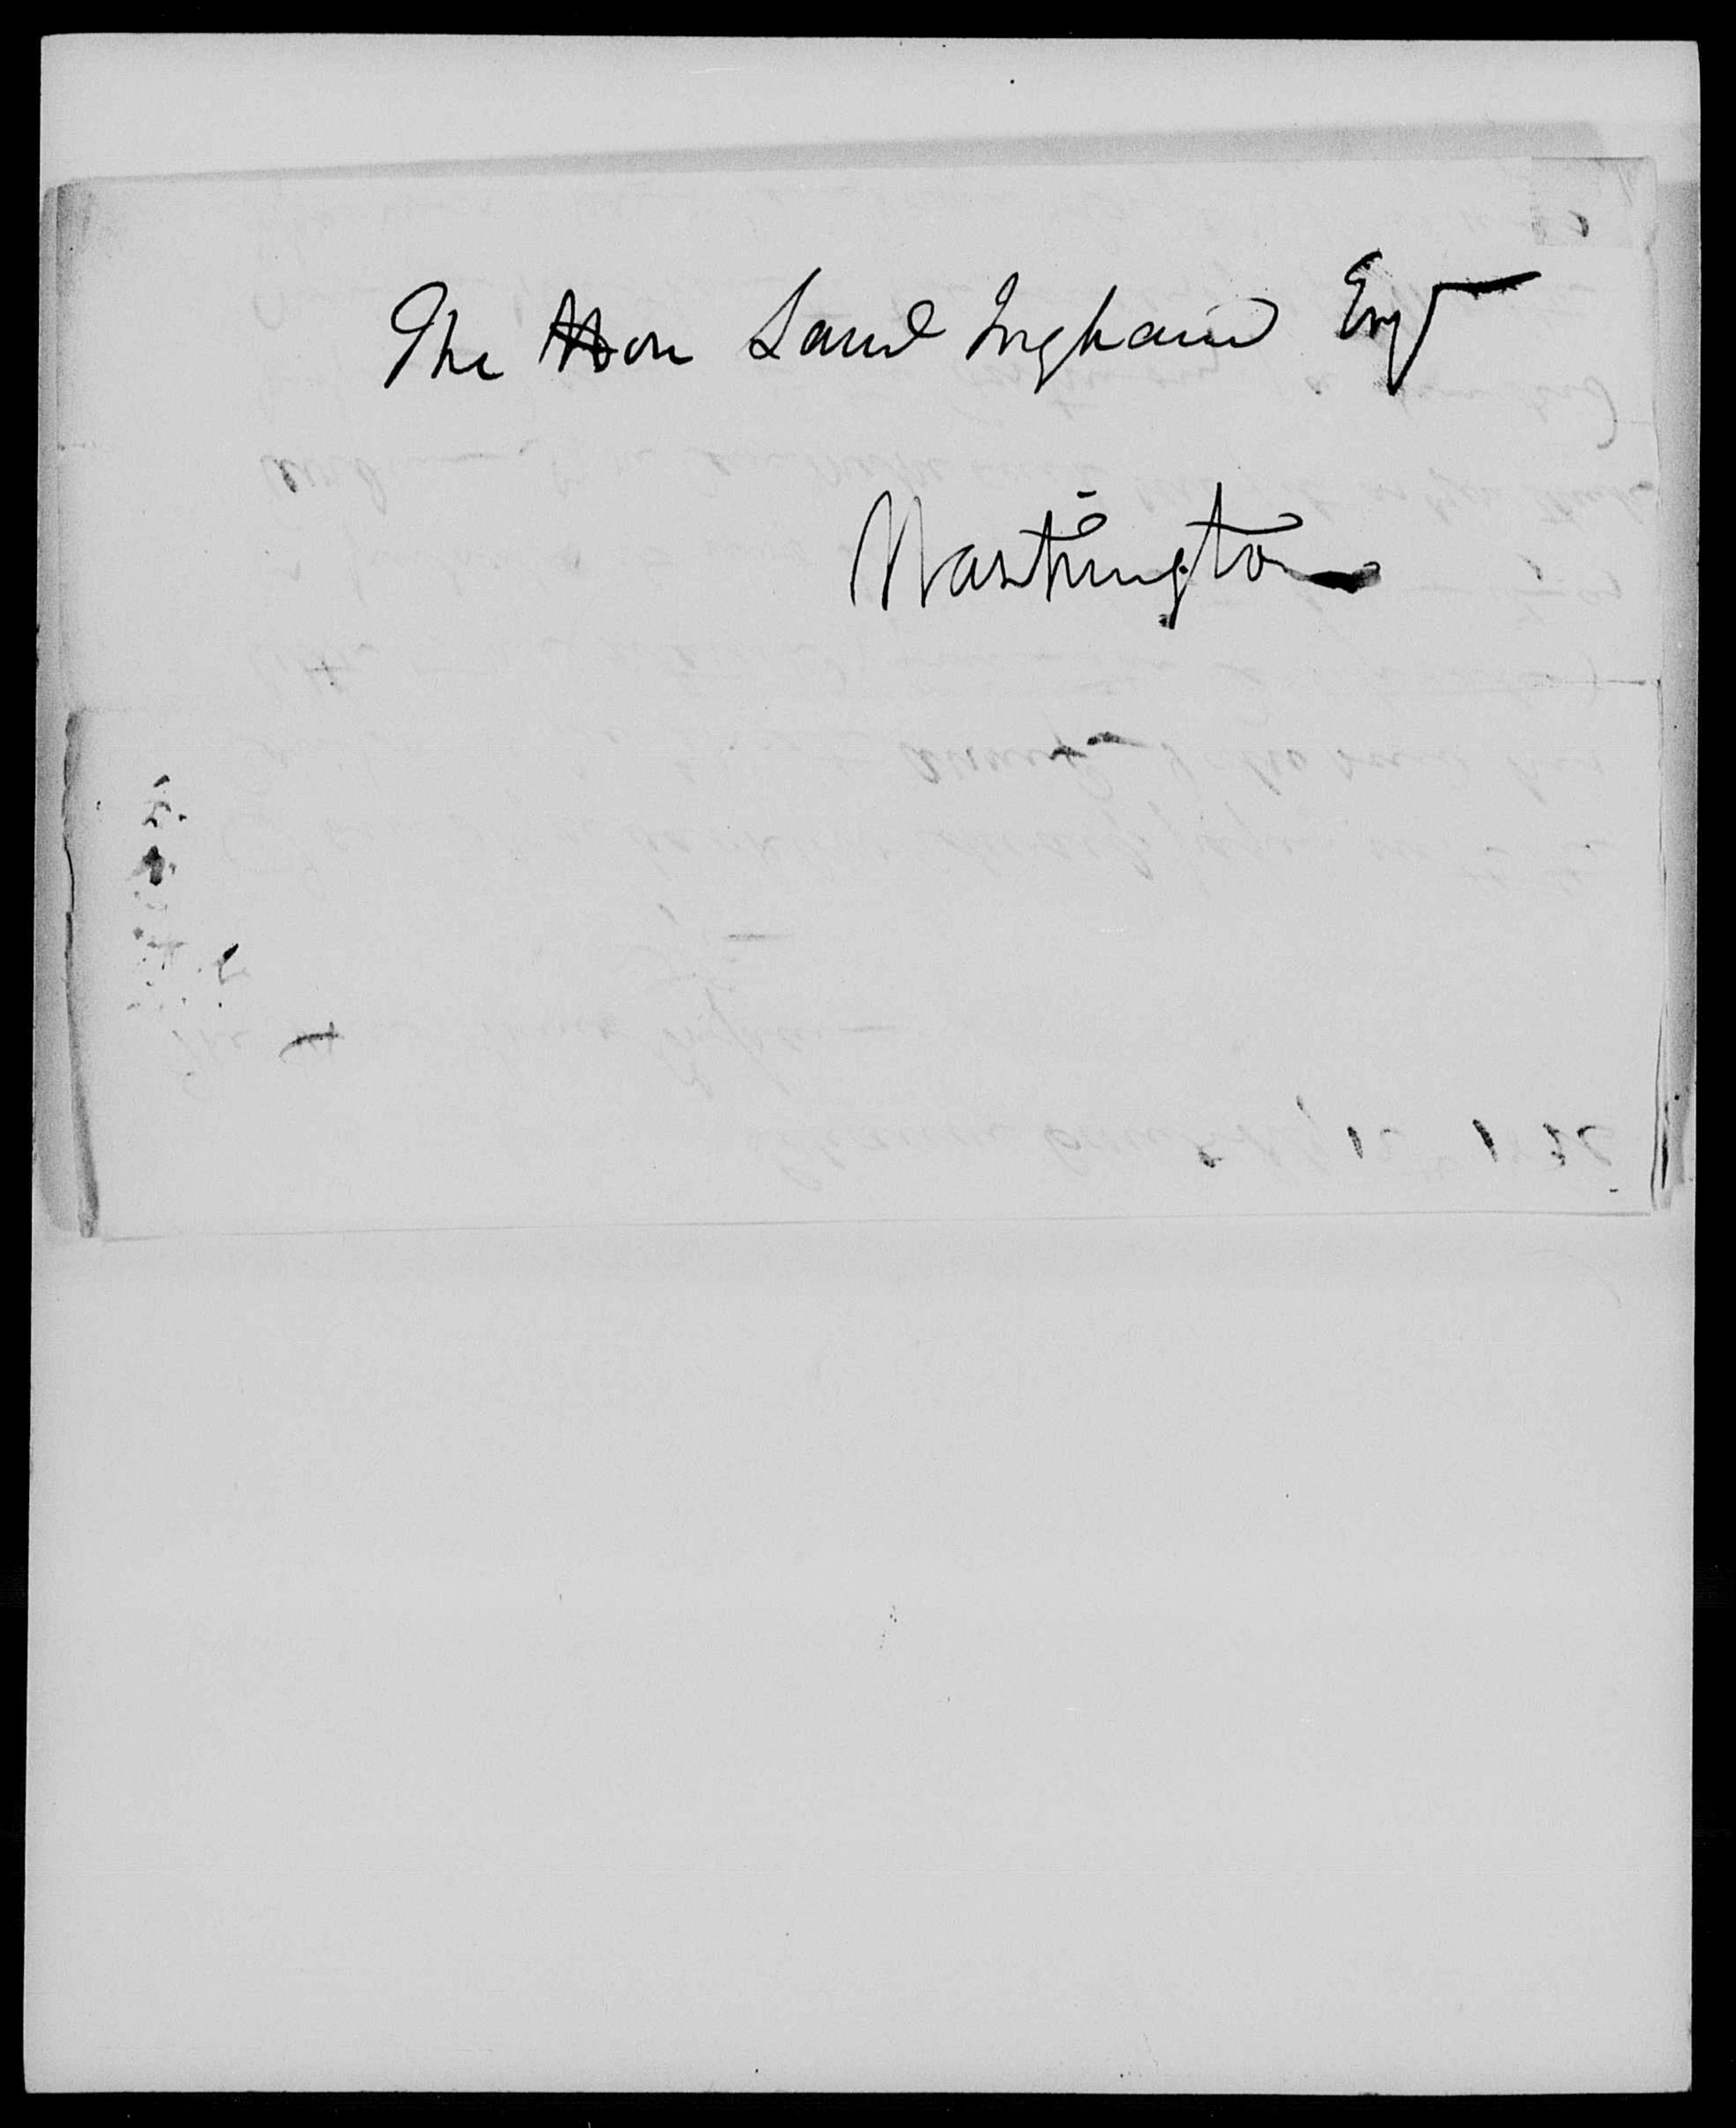The Hon. Samuel Ingham Esq
Washington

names: Saml Ingham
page: 31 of 50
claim: survivor's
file: S 10607, Jabez Edwards, Conn.